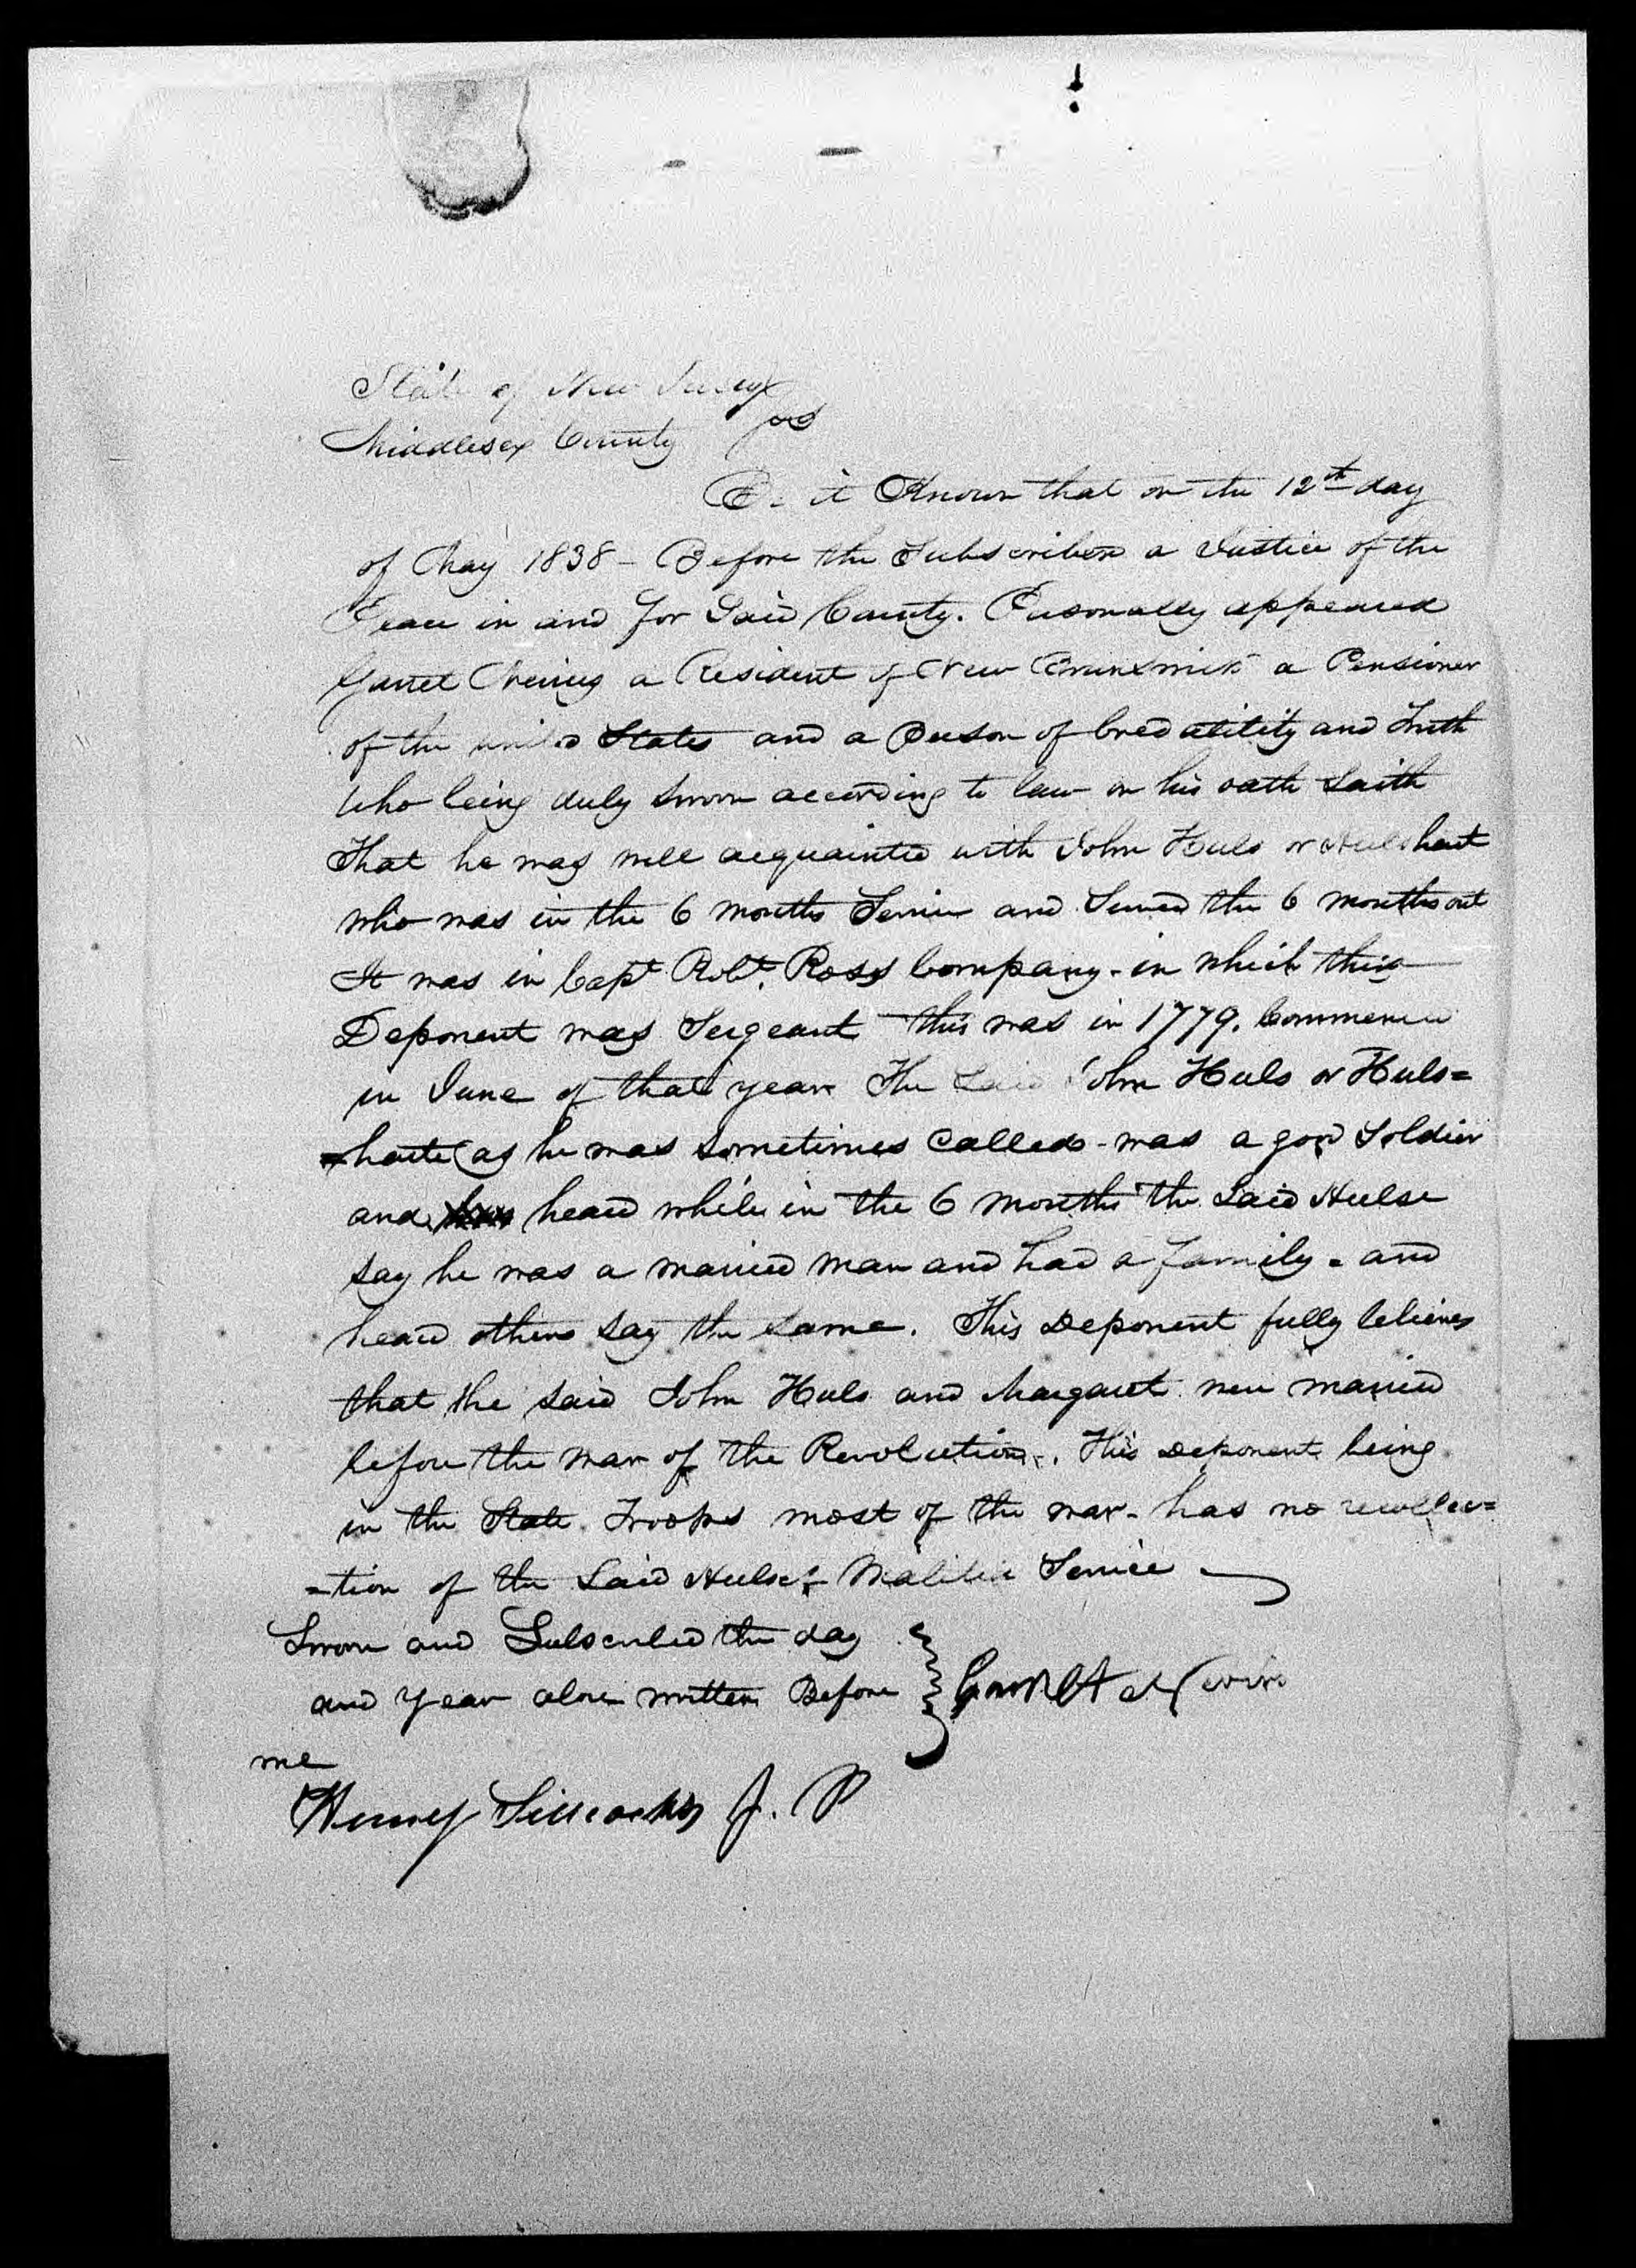State of New Jersey
Middlesex County. } SS
Be it known that on the 12th day of May 1838- Before the Subscriber a Justice of the Peace in and for said County, Personally appeared
Garret Herris a resident of New Brunswick a Pensioner of the United States and a person of credibility and truth who being duly sworn according to law on his oath saith That he was well acquainted with John Hulse or Hulshart who was in the 6 months Service and served the 6 months out. It was in Capt Robt Ross Company in which this Deponent was Sergeant this was in 1779 Commencing in June of that year the said John Huls or Hulshart as he was sometimes called was a good soldier and heard while in the 6 months the said Hulse say he was a married man and had a family and heard others say the same. This Deponent fully believes that the said John Huls and Margaret were married before the war of the Revolution. This Deponent being
in the State Troops most of the war has no recollection of the said Hulse Malitia [militia] Service-
Garret Herris

Sworn and Subscribed the day
and year above written before me
Henry Sutliffe J.P.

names: Hulse, Henry Sutliffe, John Huls, Garret Herris, John Hulshart, Margaret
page: 4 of 34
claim: widow's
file: W. 940, John Hulshart, New Jersey